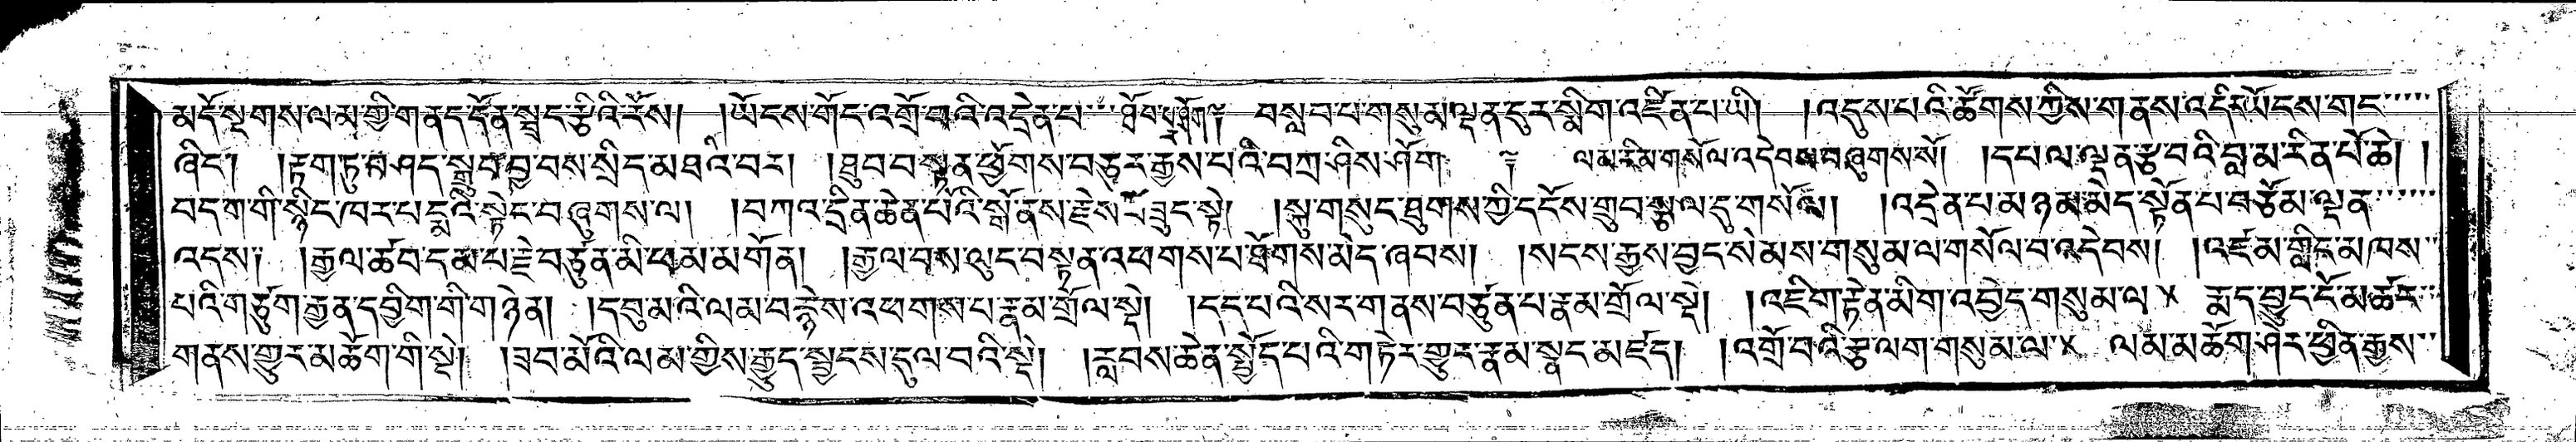མདོ་སྔགས་ལམ་གྱི་གནད་དོན་སྦྲང་རྩིའི་རོས། །ཡོངས་གོང་འགྲོ་བའི་འདྲེན་པ་ཐོབ་པར་ཤོག ༈ བསླབ་པ་གསུམ་ལྡན་དུར་སྨིག་འཛིན་པ་ཡི། །འདུས་པའི་ཚོགས་ཀྱིས་གནས་འདིར་ཡོངས་གང་
ཞིང་། །རྟག་ཏུ་བཤད་སྒྲུབ་བྱ་བས་སྲིད་མཐའི་བར། །ཐུབ་བསྟན་ཕྱོགས་བཅུར་རྒྱས་པའི་བཀྲ་ཤིས་ཤོག ༈ ལམ་རིམ་གསོལ་འདེབས་བཞུགས་སོ། །དཔལ་ལྡན་རྩ་བའི་བླ་མ་རིན་པོ་ཆེ། །
བདག་གི་སྙིང་ཁར་པདམའི་སྟེང་བཞུགས་ལ། །བཀའ་དྲིན་ཆེན་པོའི་སྒོ་ནས་རྗེས་བཟུང་སྟེ། །སྐུ་གསུང་ཐུགས་ཀྱི་དངོས་གྲུབ་སྩལ་དུ་གསོལ། །འདྲེན་པ་མཉམ་མེད་སྟོན་པ་བཅོམ་ལྡན་
འདས༑ །རྒྱལ་ཚབ་དམ་པ་རྗེ་བཙུན་མི་ཕམ་མགོན། །རྒྱལ་བས་ལུང་བསྟན་འཕགས་པ་ཐོགས་མེད་ཞབས། །སངས་རྒྱས་བྱང་སེམས་གསུམ་ལ་གསོལ་བ་འདེབས། །འཛམ་གླིང་མཁས་
པའི་གཙུག་རྒྱན་དབྱིག་གི་གཉེན། །དབུ་མའི་ལམ་བརྙེས་འཕགས་པ་རྣམ་གྲོལ་སྡེ། །དད་པའི་སར་གནས་བཙུན་པ་རྣམ་གྲོལ་སྡེ། །འཇིག་རྟེན་མིག་འབྱེད་གསུམ་ལ་{྾}་རྨད་བྱུང་ངོ་མཚར་
གནས་གྱུར་མཆོག་གི་སྡེ། །ཟབ་མོའི་ལམ་གྱིས་རྒྱུད་སྦྱངས་དུལ་བའི་སྡེ། །རླབས་ཆེན་སྤྱོད་པའི་གཏེར་གྱུར་རྣམ་སྣང་མཛད། །འགྲོ་བའི་རྩ་ལག་གསུམ་ལ་{྾}་ལམ་མཆོག་ཤེར་ཕྱིན་རྒྱས་